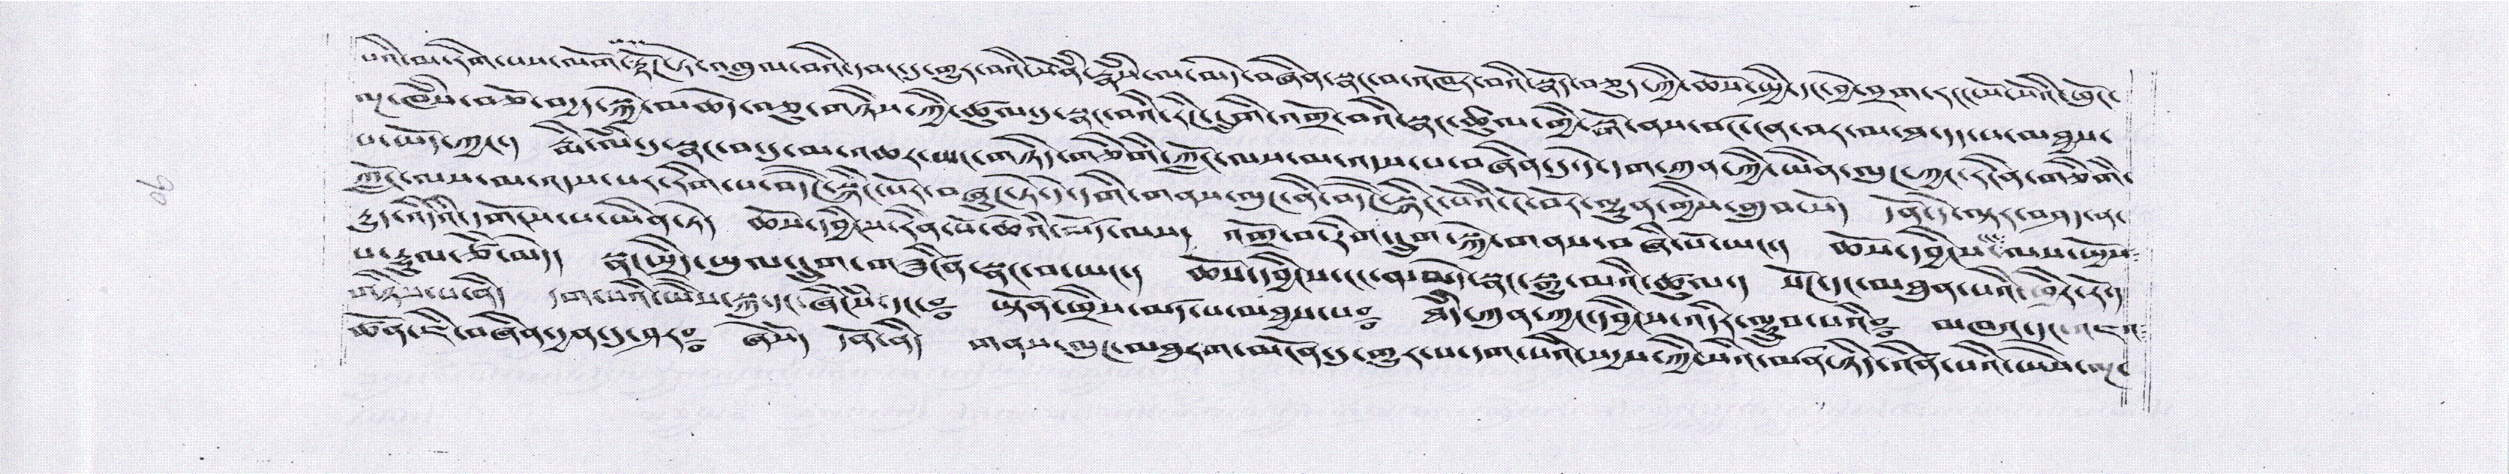པའི་མ་རིག་པས་ལོག་པར་རྟོགས་ཏེ་འཁྲུལ་པའི་དབང་དུ་གྱུར་པའི་སེམས་ཅན་རྣམས་ལ་མེད་བཞིན་སྣང་བ་འཁོར་བའི་སྣོད་བཅུད་ཀྱི་ཆོིས་སྤྱི་དང་བྱེ་བྲག་རང་རང་སོ་སོའི་ཕུང་པོ་
ལྔ་ཁམས་བཅོ་བརྒྱད་སྐྱེ་མཆེད་བཅུ་གཉིས་ཀྱི་ཚུལ་དུ་སྣང་བའི་རིགས་དྲུག་གི་འགྲོ་བའི་སྣང་ཚུལ་གྱིས་སྒོ་ནས་བཟང་ངན་བར་མ་ཐ་དད་པ་མཐའ་ཡས་
པ་ཡོད་ཀྱང་། ཀློང་ལས་མ་འདས་པར་རིག་པ་བདེར་གཤེགས་སྙིང་པོར་བཞུགས་ཏེ་དེ་དག་གི་གནས་ལུགས་ནི་བདེར་གཤེགས་སྙིང་པོིའི་ངོ་བོར་ལྷུན་གྱིས་གྲུབ་པའོ། དོན་དེ་ལྟར་བཤད་ན་
རྒྱུད་འདིའི་དགོངས་པ་ཡིན་ཏེ། ཆོས་དབྱིངས་རིན་པོ་ཆེའི་མཛོད་ལས། འགྲོ་བ་རིགས་དྲུག་སྐྱེ་གནས་བཞི་པོ་ཡང་། ཆོས་དབྱིངས་ངང་ལས་གཡོས་
པ་རྡུལ་ཙམ་མེད། སྣང་སྲིད་ཡུལ་དྲུག་གཟུང་འཛིན་སྣང་བ་ཡང་། ཆོས་དབྱིངས་ངང་ན་མེད་སྣང་སྒྱུ་མའི་ཚུལ། སོགས་དང་མཐུན་པའི་ཕྱིར་རོ། 
གཉིས་པ་ནི། དག་པའི་ཡེ་ཤེས་སྐུ་དང་ཞིང་ཁམས་དངཿ ཡོན་ཏན་འཕྲིན་ལས་མཛད་པ་མཐའ་ཡས་པཿ ཐམས་ཅད་ཀུན་ཀྱང་དབྱིངས་འདིར་ལྷུན་གྲུབ་པའིཿ མཁའ་དང་འཇའ་
ཚོན་ཇི་བཞིན་རྒྱན་དུ་ཤརཿ ཞེས་སོ། དོན་ནི། གནས་ལུགས་མཐར་ཐུག་མངོན་དུ་གྱུར་པ་དག་པའི་སངས་རྒྱས་ཀྱི་ས་ཡི་མཚན་ཉིད་འཛིན་པའི་ཡེ་ཤེས་ལྔ་